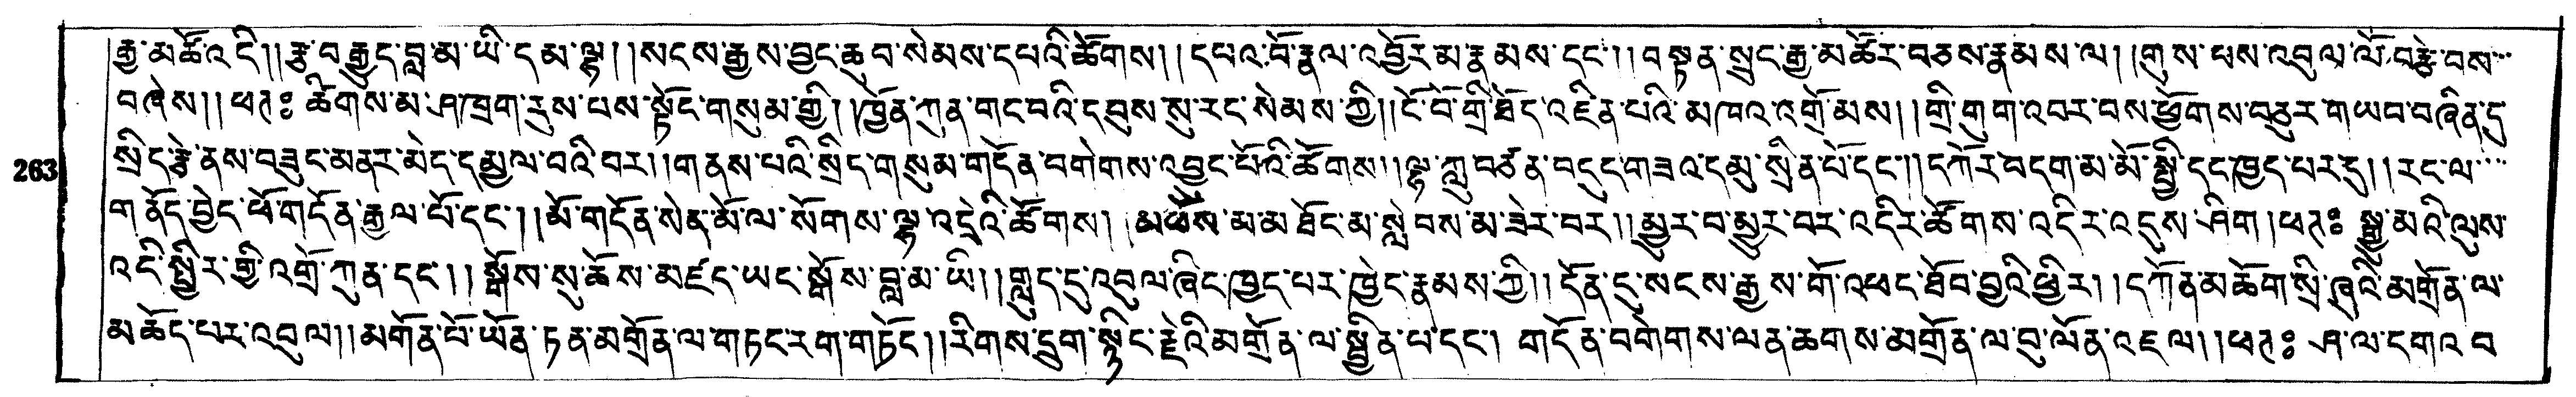རྒྱ་མཚོ་འདི། །རྩ་བརྒྱུད་བླ་མ་ཡི་དམ་ལྷ། །སངས་རྒྱས་བྱང་ཆུབ་སེམས་དཔའི་ཚོགས། །དཔའ་བོ་རྣལ་འབྱོར་མ་རྣམས་དང་། །བསྟན་སྲུང་རྒྱ་མཚོར་བཅས་རྣམས་ལ། །གུས་པས་འབུལ་ལོ་བརྩེ་བས་
བཞེས། །ཕཊཿ ཚིགས་མ་ཤ་ཁྲག་རུས་པས་སྟོང་གསུམ་གྱི། །ཁྱོན་ཀུན་གང་བའི་དབུས་སུ་རང་སེམས་ཀྱི། །ངོ་བོ་གྲི་ཐོད་འཛིན་པའི་མཁའ་འགྲོ་མས། །གྲི་གུག་འབར་བས་ཕྱོགས་བཅུར་གཡབ་བཞིན་དུ་
སྲིད་རྩེ་ནས་བཟུང་མནར་མེད་དམྱལ་བའི་བར། །གནས་པའི་སྲིད་གསུམ་གདོན་བགེགས་འབྱུང་པོའི་ཚོགས། །ལྷ་ཀླུ་བཙན་བདུད་གཟའ་དམུ་སྲིན་པོ་དང་། །དཀོར་བདག་མ་མོ་སྤྱི་དང་ཁྱད་པར་དུ། །རང་ལ་
གནོད་བྱེད་ཕོ་གདོན་རྒྱལ་པོ་དང་། །མོ་གདོན་སེན་མོ་ལ་སོགས་ལྷ་འདྲེའི་ཚོགས། །མ་ཕོས་མ་མཐོང་མ་སླེབས་མ་ཟེར་བར། །མྱུར་བ་མྱུར་བར་འདིར་ཚོགས་འདིར་འདུས་ཤིག །ཕཊཿ སྒྱུ་མའི་ལུས་
འདི་སྤྱིར་གྱི་འགྲོ་ཀུན་དང་། །སྒོས་སུ་ཆོས་མཛད་ཡང་སྒོས་བླ་མ་ཡི། །གླུད་དུ་འབུལ་ཞིང་ཁྱད་པར་ཁྱེད་རྣམས་ཀྱི། །དོན་དུ་སངས་རྒྱས་གོ་འཕང་ཐོབ་བྱའི་ཕྱིར། །དོན་མཆོག་སྲི་ཞུའི་མགྲོན་ལ་
མཆོད་པར་འབུལ། །མགོན་པོ་ཡོན་ཏན་མགྲོན་ལ་གཏང་རག་གཏོང་། །རིགས་དྲུག་སྙིང་རྗེའི་མགྲོན་ལ་སྦྱིན་པ་དང་། གདོན་བགེགས་ལན་ཆགས་འགྲོན་ལ་བུ་ལོན་འཇལ། །ཕཊཿ ཤ་ལ་དགའ་བ་